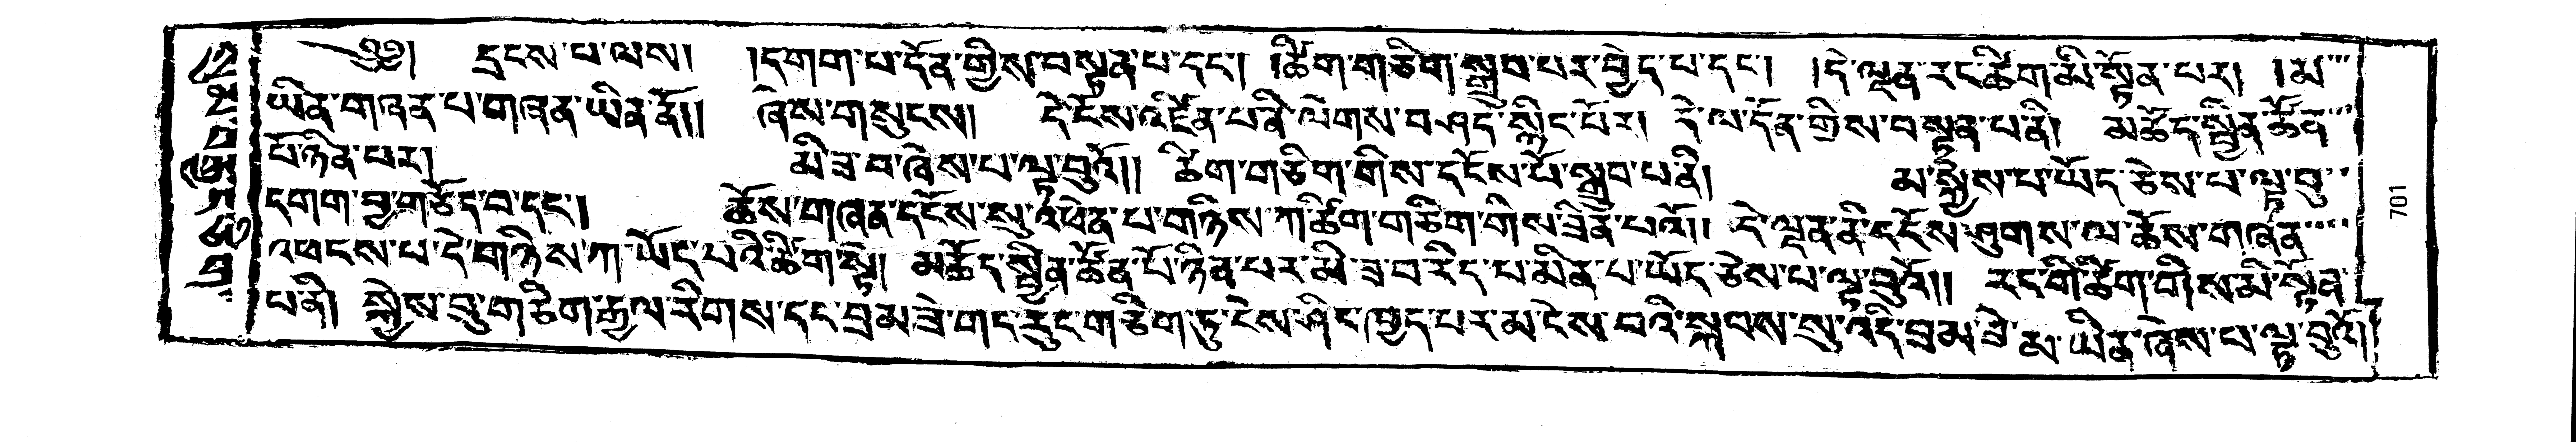༄༅། །དྲངས་པ་ལས། །དགག་པ་དོན་གྱིས་བསྟན་པ་དང་། །ཚིག་གཅིག་སྒྲུབ་པར་བྱེད་པ་དང་། །དེ་ལྡན་རང་ཚིག་མི་སྟོན་པར། །མ་
ཡིན་གཞན་པ་གཞན་ཡིན་ནོ། །ཞེས་གསུངས། དེ་ངོས་འཛིན་པ་ནི་ལེགས་བཤད་སྙིང་པོར། དེ་ལ་དོན་གྱིས་བསྟན་པ་ནི། མཚོད་སྦྱིན་ཚོན་
པོ་ཉིན་པར། མི་ཟ་བ་ཞེས་པ་ལྟ་བུའོ། །ཚིག་གཅིག་གིས་དངོས་པོ་སྒྲུབ་པ་ནི། མ་སྐྱེས་པ་ཡོད་ཅེས་པ་ལྟ་བུ་
དགག་བྱ་གཅོད་བ་དང་། ཆོས་གཞན་དངོས་སུ་འཕེན་པ་གཉིས་ཀ་ཚིག་གཅིག་གིས་ཟིན་པའོ། །དེ་ལྡན་ནི་དངོས་ཤུགས་ལ་ཆོས་གཞན་
འཕངས་པ་དེ་གཉིས་ཀ་ཡོད་པའི་ཚིག་སྟེ། མཆོད་སྦྱིན་ཚོན་པོ་ཉིན་པར་མི་ཟ་བ་རིད་པ་མིན་པ་ཡོད་ཅེས་པ་ལྟ་བུའོ། །རང་གི་ཚིག་གིས་མི་སྟོན་
པ་ནི། སྐྱེས་བུ་གཅིག་རྒྱལ་རིགས་དང་བྲམ་ཟེ་གང་རུང་གཅིག་ཏུ་ངེས་ཤིང་ཁྱད་པར་མ་ངེས་པའི་སྐབས་སུ་འདི་བྲམ་ཟེ་མ་ཡིན་ཞེས་པ་ལྟ་བུའོ།